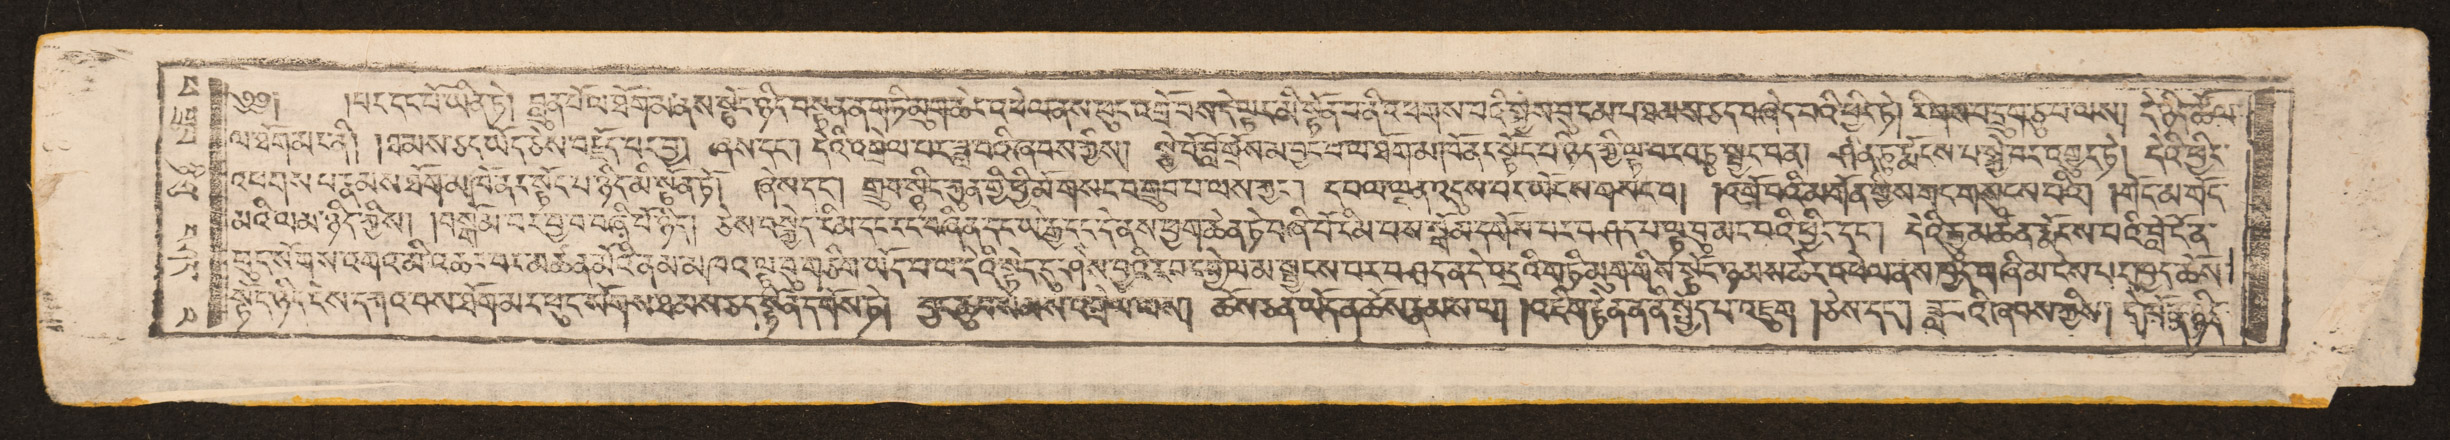༄༅། །པར་དང་པོ་ཡིན་ཏེ། བླུན་པོ་ལ་ཐོག་མ་ནས་སྟོང་ཉིད་བསྟན་ན་གཏི་མུག་ཆེར་འཕེལ་ནས་ཕུང་འགྲོ་བས་དེ་ལྟར་མི་སྟོན་པ་ནི་འཕགས་པའི་སྐྱེས་བུ་དམ་པ་ཐམས་ཅད་བཞེད་པའི་ཕྱིར་ཏེ། རིགས་པ་དྲུག་ཅུ་པ་ལས། དེ་ཉིད་ཚོལ་
ལ་ཐོག་མར་ནི། །ཐམས་ཅད་ཡོད་ཅེས་བརྗོད་པར་བྱ། ཞེས་དང་། དེའི་འགྲེལ་པར་ཟླ་བའི་ཞབས་ཀྱིས། སྐྱེ་བོ་བློ་གྲོས་མ་བྱང་བ་ལ་ཐོག་མ་ཁོ་ནར་སྟོང་པ་ཉིད་ཀྱི་ལྟ་བ་རབ་ཏུ་སྦྱང་བ་ན། ཤིན་ཏུ་རྨོངས་པ་སྐྱེ་བར་འགྱུར་ཏེ། དེའི་ཕྱིར་
འཕགས་པ་རྣམས་ཐོག་མ་ཁོ་ནར་སྟོང་པ་ཉིད་མི་སྟོན་ཏོ། ཞེས་དང་། གྲུབ་སྙིང་ཀུན་གྱི་ཕྱི་མོ་གསང་བ་གྲུབ་པ་ལས་ཀྱང་། དཔལ་ལྡན་འདུས་པར་ཡོངས་གསང་བ། །འགྲོ་བའི་མགོན་གྱིས་གང་གསུངས་པའི། །གོང་མ་གོང་
མའི་ལམ་ཉིད་ཀྱིས། །བསྒོམ་པར་བྱ་བ་བཞི་པོ་ཉིད། ཅེས་བསྐྱེད་རིམ་དང་རང་བཞིན་དང་ཡེ་རྒྱ་དང་དེ་ནས་ཕྱག་ཆེན་ཏེ་བཞི་པོ་རིམ་པས་སྒོམ་དགོས་པར་བཤད་པ་ལྟ་བུ་མང་བའི་ཕྱིར་དང་། དེའི་རྒྱུ་མཚན་རྨོངས་པའི་བློ་དོན་
ཕུང་སོགས་འགའ་མི་འཆར་བར་མཚན་མོའི་ནམ་མཁའ་ལྟ་བུ་གཅིག་ཡོད་པ་ལ་དེའི་སྟེང་དུ་ཤེས་བྱའི་རབ་དབྱེ་ལ་མ་སྦྱངས་པར་བཤད་ན་དེ་འདྲའི་གཏི་མུག་གིས་སྟོང་ཉམས་ཆེར་འཕེལ་ནས་ཁྱད་གཞི་མ་ངེས་པར་ཁྱད་ཆོས་
སྟོང་ཉིད་ངེས་དཀའ་བས་ཐོག་མར་ཕུང་སོགས་ཐམས་ཅད་སྟོན་དགོས་ཏེ། བྱང་ཆུབ་སེམས་འགྲེལ་ལས། ཆོས་ཅན་ཡོད་ན་ཆོས་རྣམས་ལ། །འཇིག་རྟེན་ན་ནི་སྤྱོད་པ་འཇུག །ཅེས་དང་། ཟླ་བའི་ཞབས་ཀྱིས། དེ་ཁོ་ན་ཉིད་